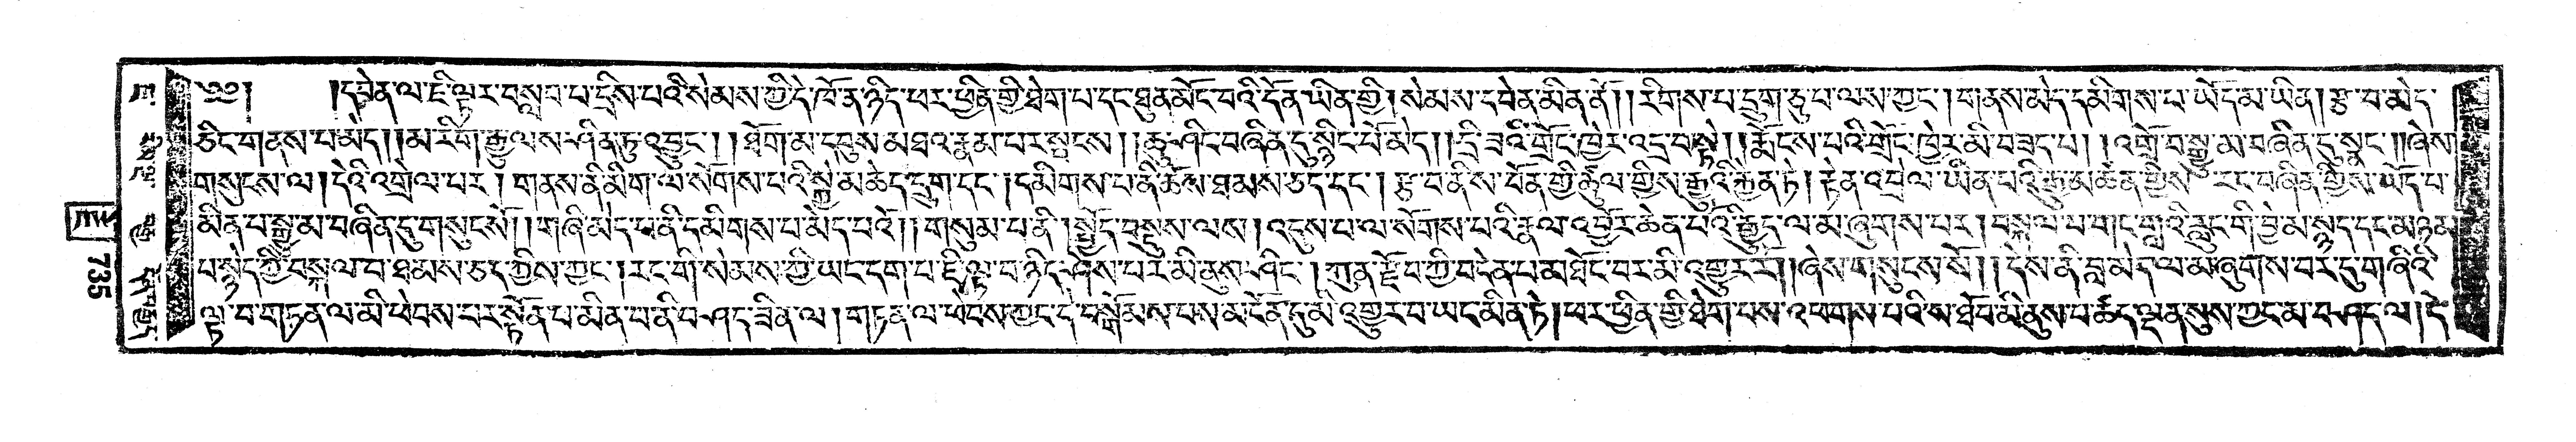༄༅། །དབེན་ལ་ཇི་ལྟར་བསླབ་པ་དྲིས་པའི་སེམས་ཀྱི་དེ་ཁོ་ན་ཉིད་ཕར་ཕྱིན་གྱི་ཐེག་པ་དང་ཐུན་མོང་བའི་དོན་ཡིན་གྱི། སེམས་དབེན་མིན་ནོ། །རིགས་པ་དྲུག་ཅུ་པ་ལས་ཀྱང་། གནས་མེད་དམིགས་པ་ཡོད་མ་ཡིན། རྩ་བ་མེད་
ཅིང་གནས་པ་མེད། །མ་རིག་རྒྱུ་ལས་ཤིན་ཏུ་འབྱུང་། །ཐོག་མ་དབུས་མཐའ་རྣམ་པར་སྤངས། །ཆུ་ཤིང་བཞིན་དུ་སྙིང་པོ་མེད། །དྲི་ཟའི་གྲོང་ཁྱར་འདྲ་བ་སྟེ། །རྨོངས་པའི་གྲོང་ཁྱེར་མི་བཟད་པ། །འགྲོ་བ་སྒྱུ་མ་བཞིན་དུ་སྣང་། །ཞེས་
གསུངས་ལ། དེའི་འགྲེལ་པར། གནས་ནི་མིག་ལ་སོགས་པའི་སྐྱེ་མཆེད་དྲུག་དང་། དམིགས་པ་ནི་ཆོས་ཐམས་ཅད་དང་། རྩ་བ་ནི་ས་བོན་གྱི་ཚུལ་གྱིས་རྒྱུའི་རྐྱེན་ཏེ། རྟེན་འབྲེལ་ཡིན་པའི་རྒྱུ་མཚན་གྱིས་རང་བཞིན་གྱིས་ཡོད་པ་
མིན་པ་སྒྱུ་མ་བཞིན་དུ་གསུངས་སོ། །གཞི་མེད་པ་ནི་དམིགས་པ་མེད་པའོ། །གསུམ་པ་ནི། སྤྱོད་བསྡུས་ལས། འདུས་པ་ལ་སོགས་པའི་རྣལ་འབྱོར་ཆེན་པོའི་རྒྱུད་ལ་མ་ཞུགས་པར། བསྐལ་པ་གང་གཱའི་རླུང་གི་བྱེ་མ་སྙེད་དང་མཉམ་
པ་སྙེད་ཀྱི་བསྐལ་པ་ཐམས་ཅད་ཀྱིས་ཀྱང་། རང་གི་སེམས་ཀྱི་ཡང་དག་པ་ཇི་ལྟ་བ་ཉིད་ཤེས་པར་མི་ནུས་ཤིང་། ཀུན་རྫོབ་ཀྱི་བདེན་པ་མཐོང་བར་མི་འགྱུར་རོ། །ཞེས་གསུངས་སོ། །དེས་ནི་བླ་མེད་ལ་མ་ཞུགས་བར་དུ་གཞིའི་
ལྟ་བ་གཏན་ལ་མི་ཕེབས་པར་སྟོན་པ་མིན་པ་ནི་བཤད་ཟིན་ལ། གཏན་ལ་ཕེབས་ཀྱང་དེ་བསྒོམས་པས་མངོན་དུ་མི་འགྱུར་བ་ཡང་མིན་ཏེ། ཕར་ཕྱིན་གྱི་ཐེག་པས་འཕགས་པའི་ས་ཐོབ་མི་ནུས་པ་ཚད་ལྡན་སུས་ཀྱང་མ་བཤད་ལ། དེ་